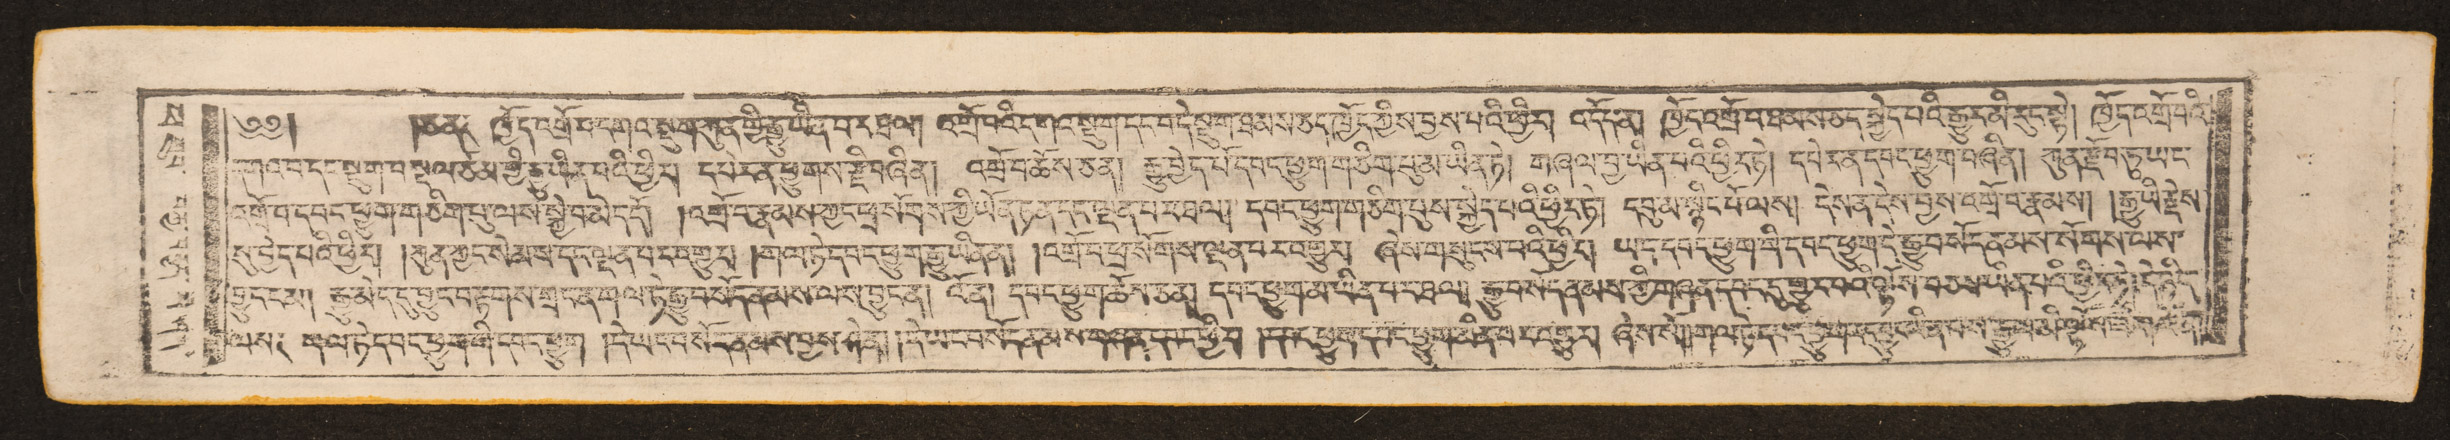༄༅། །ཅན༑ ཁྱོད་འགྲོ་བ་དགའ་སྡུག་ཀུན་གྱི་རྒྱུ་ཡིན་པར་ཐལ། འགྲོ་བའི་དགའ་སྡུག་དང་བདེ་སྡུག་ཐམས་ཅད་ཁྱོད་ཀྱིས་བྱས་པའི་ཕྱིར། འདོད་ན། ཁྱོད་འགྲོ་བ་ཐམས་ཅད་སྐྱེད་པའི་རྒྱུར་མི་རུང་སྟེ། ཁྱོད་འགྲོ་དྲའི་?
དགའ་བ་དང་སྡུག་བསྔལ་ཙམ་གྱི་རྒྱུ་ཡིན་པའི་ཕྱིར། དཔེར་ན་ཕྱུགས་རྫི་བཞིན། འགྲོ་བ་ཆོས་ཅན། རྒྱུ་བྱེད་པོ་དབང་ཕྱུག་གཅིག་པུ་མ་ཡིན་ཏེ། གཞལ་བྱ་ཡིན་པའི་ཕྱིར་ཏེ། དཔེར་ན་དབང་ཕྱུག་བཞིན། ཀུན་རྫོབ་ཏུ་ཡང་
འགྲོ་བ་དབང་ཕྱུག་གཅིག་པུ་ལས་སྐྱེ་བ་མེད་དོ། །འགྲོ་བ་རྣམས་ཀྱང་ཕྲ་སོགས་ཀྱི་ཡོན་ཏན་དང་ལྡན་པར་ཐལ། དབང་ཕྱུག་གཅིག་པུས་སྐྱེད་པའི་ཕྱིར་ཏེ། དབུ་མ་སྙིང་པོ་ལས། དེས་ན་དེས་བྱས་འགྲོ་བ་རྣམས། །རྒྱུ་ཡི་རྗེས་
སུ་བྱེད་པའི་ཕྱིར། །ཀུན་ཀྱང་སེམས་དང་ལྡན་པར་འགྱུར། །གལ་ཏེ་དབང་ཕྱུག་རྒྱུ་ཡིན་ན། །འགྲོ་བ་ཕྲ་སོགས་ལྡན་པར་འགྱུར། ཞེས་གསུངས་པའི་ཕྱིར། ཡང་དབང་ཕྱུག་གི་དབང་ཕྱུག་དེ་རྒྱུ་བསོད་ནམས་སོགས་ལས་
བྱུང་ངམ། རྒྱུ་མེད་དུ་བྱུང་བ་རྟགས་གྲང་ན་གལ་ཏེ་རྒྱུ་བསོད་ནམས་ལས་བྱུང་ན། འོ་ན། དབང་ཕྱུག་ཆོས་ཅན། དབང་ཕྱུག་མ་ཡིན་པར་ཐལ། རྒྱུ་བསོད་ནམས་ཀྱི་གཞན་དབང་དུ་གྱུར་པའི་ལྟོས་བཅས་ཡིན་པའི་ཕྱིར་ཏེ། དེ་ཉིད་
ལས༑ གལ་ཏེ་དབང་ཕྱུག་གི་དབང་ཕྱུག །དེ་ཡང་བསོད་ནམས་བྱས་ཤེན། །དེ་ཡང་བསོད་ནམས་གཞན་དབང་ཕྱིར། །དབང་ཕྱུག་དབང་ཕྱུག་མིན་པར་འགྱུར། ཞེས་སོ། །གལ་ཏེ་དབང་ཕྱུག་རང་བྱུང་ཡིན་པས་རྒྱུ་ལ་མི་ལྟོས་ཟེར། འོ་ན་